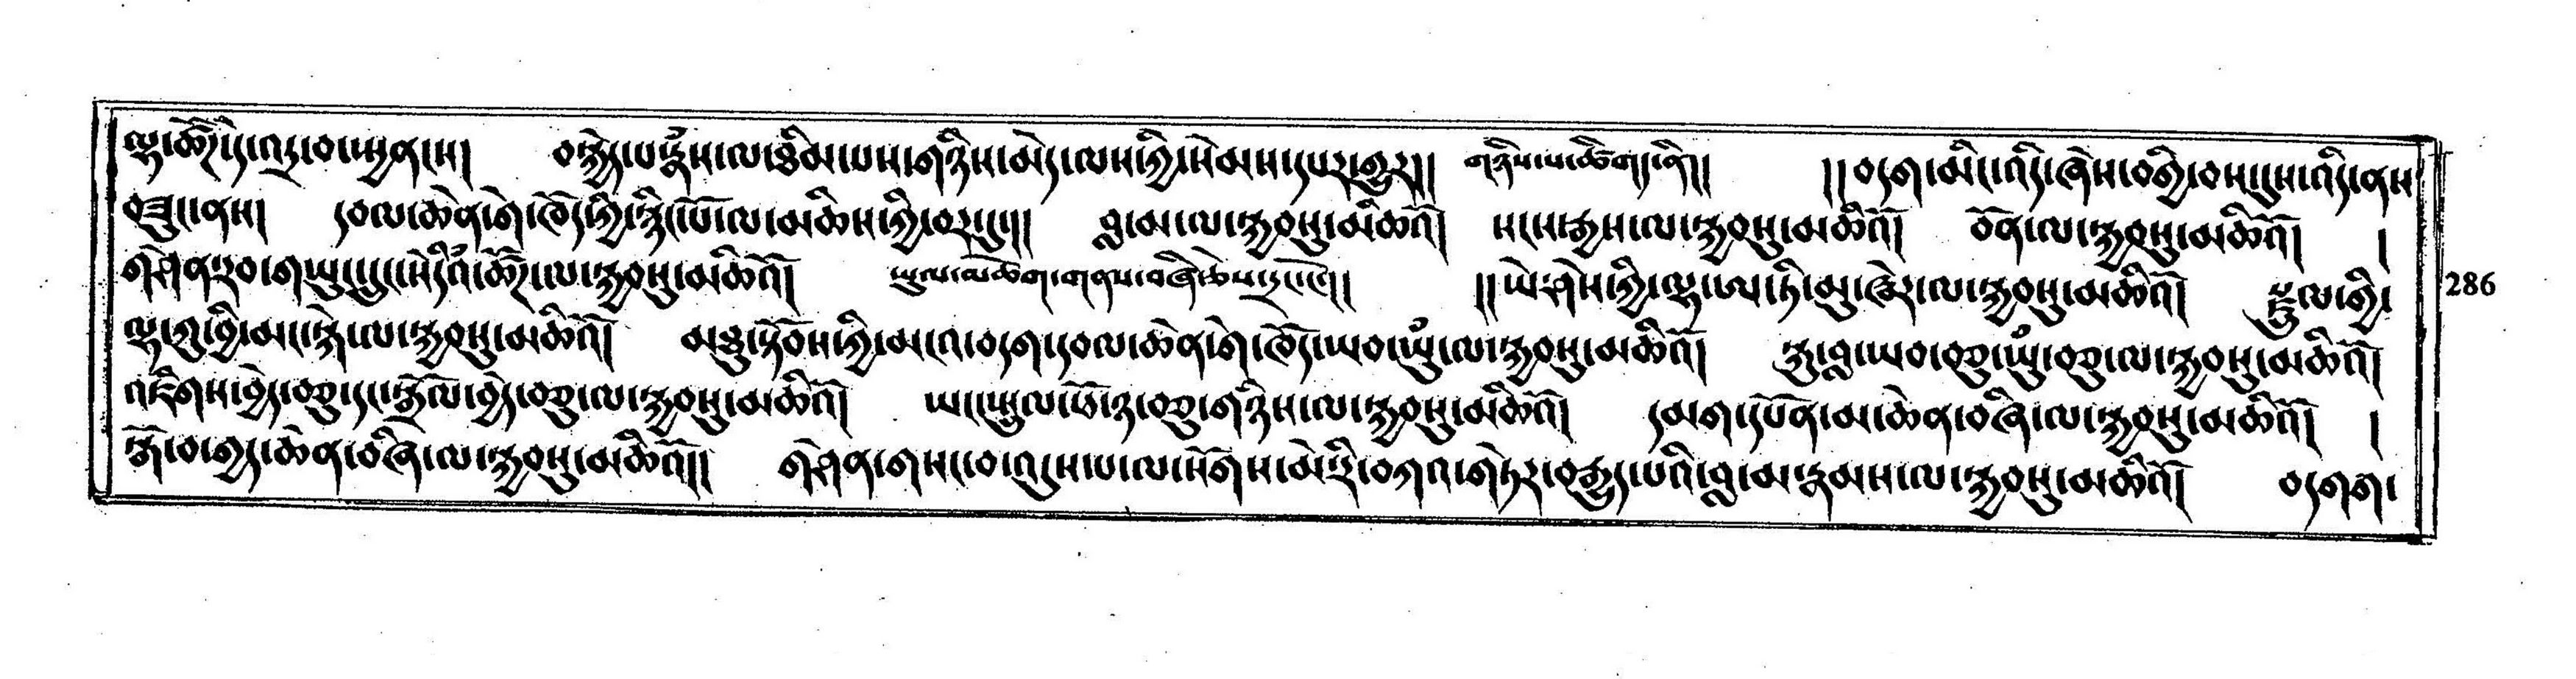ལྷ་ཚོགས་དེ་འདྲ་བ་སྤྱན་དྲངས། བསྐྱེད་པ་རྣམས་ལ་ཐིམ་པས་གཉིས་མེད་ལས་ཀྱི་སེམས་དཔར་གྱུར།། གཉིས་པ་ཚིག་བཤད་ནི། །།བདག་མིང་འདི་ཞེས་བགྱི་བས་དུས་འདི་ནས་
བཟུང་ནས། དབལ་ཆེན་གེ་ཁོད་ཀྱི་སྙིང་པོ་ལ་མཆིས་ཀྱི་བར་དུ།། བླ་མ་ལ་སྐྱབས་སུ་མཆིའོ། སངས་རྒྱས་ལ་སྐྱབས་སུ་མཆིའོ། བོན་ལ་སྐྱབས་སུ་མཆིའོ། །
གཤེན་རབ་གཡུང་དྲུང་སེམས་དཔའ་ཚོགས་ལ་སྐྱབས་སུ་མཆིའོ། ཡུལ་མཆོག་གནས་བཞི་ཅེས་དྲང་ངོ་།། །།ཡེ་ཤེས་ཀྱི་ལྷ་ཨ་ཏི་མུ་ཝེར་ལ་སྐྱབས་སུ་མཆིའོ། རྫུ་འཕྲུལ་གྱི་
ལྷ་ཀུ་བྱི་མང་སྐེ་ལ་སྐྱབས་སུ་མཆིའོ། མཐུ་སྟོབས་ཀྱི་མངའ་བདག་དབལ་ཆེན་གེ་ཁོད་ཡབ་ཡུམ་ལ་སྐྱབས་སུ་མཆིའོ། སྐུ་བླ་ཡབ་བཅུ་ཡུམ་བཅུ་ལ་སྐྱབས་སུ་མཆིའོ། 
འཇིགས་བྱེད་བཅུ་དང་སྒྲོལ་བྱེད་བཅུ་ལ་སྐྱབས་སུ་མཆིའོ། ཡང་སྤྲུལ་ཕོ་ཉ་བཅུ་གཉིས་ལ་སྐྱབས་སུ་མཆིའོ། དམག་དཔོན་མ་ཆེན་བཞི་ལ་སྐྱབས་སུ་མཆིའོ། 
སྒོ་བ་གྱད་ཆེན་བཞི་ལ་སྐྱབས་སུ་མཆིའོ།། གཤེན་གསང་བ་འདུས་པ་ལ་སོགས་མེ་རི་བཀའ་གཏེར་བརྒྱུད་པའི་བླ་མ་རྣམས་ལ་སྐྱབས་སུ་མཆིའོ། བདག་ཆགས་